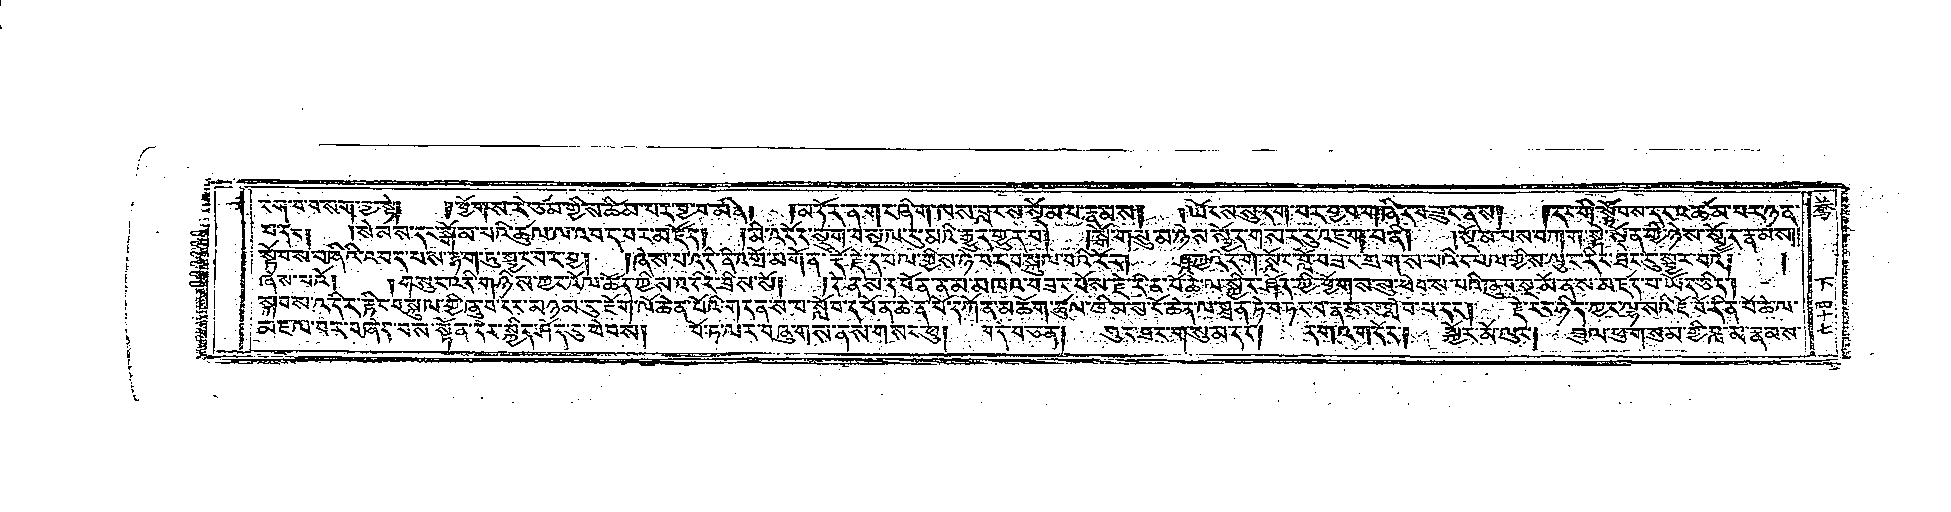ངག་བ་བསག་བྱ་སྟེ། །ཕྱོགས་རེ་ཙམ་གྱིས་ཚིམ་པར་བྱ་བ་མིན། །མདོར་ན་གང་ཞིག་ཁས་བླངས་སྡོམ་པ་རྣམས། །ཡོངས་སུ་དག་པར་བྱ་བ་གཞིར་བཟུང་ནས། །དང་གི་སྟོབས་དང་འཚམ་པར་ཉན་
པ་དང་། །སེམས་དང་སྒོམ་པའི་ཚུལ་ལ་འབད་པར་མཛོད། །མི་འདོད་སྡུག་བསྔལ་དུ་མའི་རྒྱུར་གྱུར་བ། །སྒོ་གསུམ་ཉེས་སྤྱོད་གསར་དུ་འཇུག་བ་ནི། །སྡོམ་པས་བཀག་སྟེ་སྔོན་གྱི་ཉེས་སྤྱོད་རྣམས།།
སྟོབས་བཞིའི་འབད་པས་རྟག་ཏུ་སྦྱང་བར་བྱ། །ཞེས་པ་འདི་ནི་འགྲོ་མགོན་རྡོ་རྗེ་དཔལ་གྱིས་ཉེ་བར་བསྐུལ་བའི་དོར། ཤཱཀྱའི་དགེ་སློང་བློ་བཟང་གྲགས་པའི་དཔལ་གྱིས་ལྕང་རིང་ཐང་དུ་སྦྱར་བའོ། །
ཞེས་པའོ། །གསུང་འདི་གཉིས་ཀྱང་འོལ་ཚོད་ཀྱིས་འདིར་བྲིས་སོ། །དེ་ནས་དབོན་ནམ་མཁའ་བཟང་པོས་རྗེ་རིན་པོ་ཆེ་ལ་སྐྱིད་ཤོད་ཀྱི་ཕྱོགས་སུ་ཕེབས་པའི་ཞུ་བ་སྔ་མོ་ནས་མཛད་པ་ཡོད་ཅིང་།
སྐབས་འདིར་རྟིང་བསྐུལ་གྱི་ཞུ་བ་དང་མཉམ་དུ་རྡོག་ལོ་ཆེན་པོའི་གདན་ས་པ་སློབ་དཔོན་ཆེན་པོ་དཀོན་མཆོག་ཚུལ་ཁྲིམ་ས་ངོ་ཆེན་ལ་སྤྲན་ཏེ་བཏང་བ་རྣམས་གླེབ་པ་དང་། རྗེ་རང་ཉིད་ཀྱང་ལྷ་སའི་ཇོ་བོ་རིན་པོ་ཆེ་ལ་
མཇལ་བར་བཞེད་པས་སྟོན་དེར་སྐྱིད་ཤོད་དུ་ཕེབས། པོ་ཏ་ལར་བཞུགས་ནས་གསང་ཕུ། བདེ་བ་ཅན། གུང་ཐང་གསུམ་དང་། དགའ་གདོང་། སྐྱོར་མོ་ལུང་། ཟུལ་ཕུ་གསུམ་གྱི་བླ་མ་རྣམས་